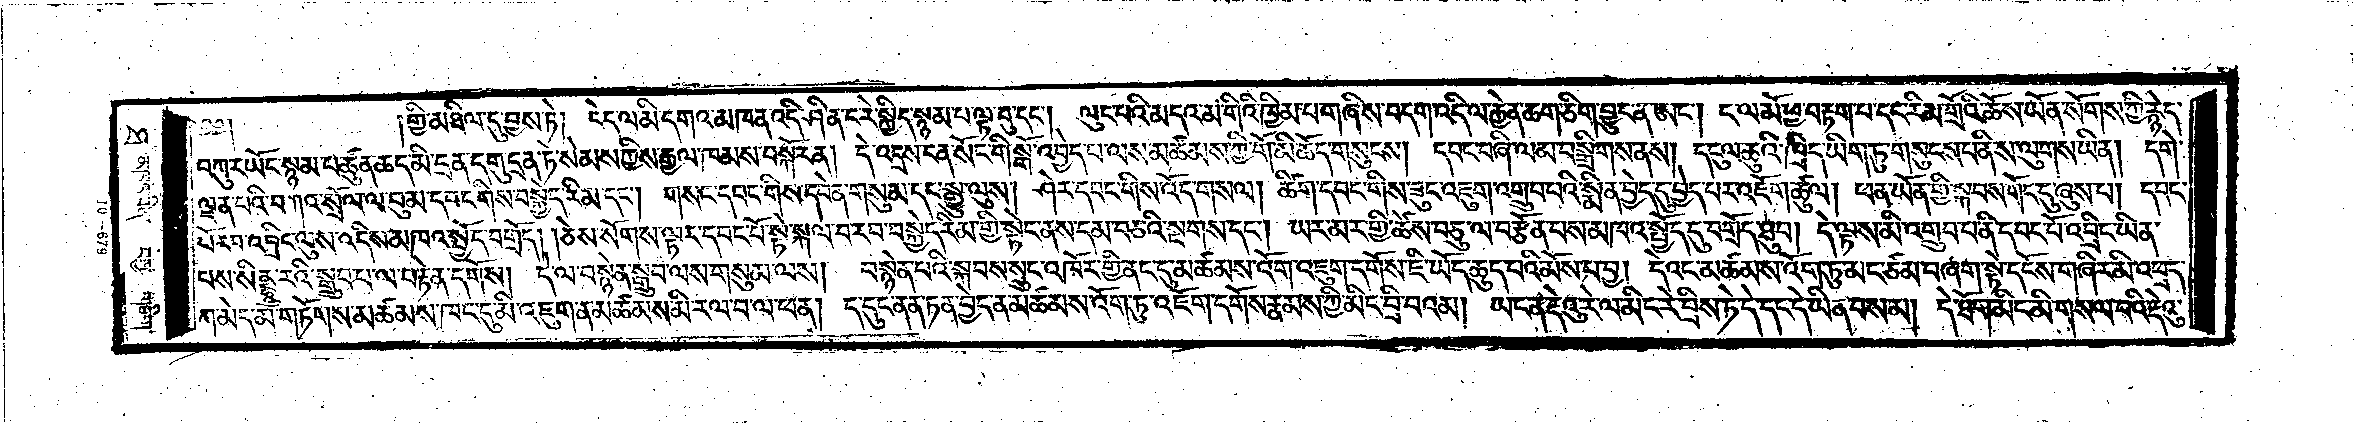༄༅། །གྱི་མཐིལ་དུ་བྱས་ཏེ། ངེད་ལ་མི་དགའ་མཁན་འདི་ཤི་ན་ང་རེ་སྐྱིད་སྙམ་པ་ལྟ་བུ་དང་། ལུང་པའི་མདའ་མ་གིའི་ཁྱིམ་པ་གཞིས་བདག་འདི་ལ་རྐྱེན་ཆ་གཅིག་བྱུང་ན་ཨང་། ང་ལ་མོ་ཕྱ་བརྟག་པ་དང་རིམ་གྲོའི་ཆོས་ཡོན་སོགས་ཀྱི་རྙེད་
བཀུར་ཡོང་སྙམ་པ་ཚུན་ཆད་མི་དྲན་དགུ་དྲན་ཏེ་སེམས་ཀྱིས་རྒྱལ་ཁམས་བསྐོར་ན། དེ་འདྲས་ངན་སོང་གི་སྒོ་འབྱེད་པ་ལས་མཚམས་ཀྱི་གོ་མི་ཆོད་གསུངས། དབང་བཞི་ལམ་བསྒྲིགས་ནས། དངུལ་ཆུའི་ཁྲིད་ཡིག་ཏུ་གསུངས་པ་ནི་ས་ལུགས་ཡིན། དགེ་
ལྡན་པའི་བཀའ་སྲོལ་ལ་བུམ་དབང་གིས་བསྐྱེད་རིམ་དང་། གསང་དབང་གིས་དབེན་གསུམ་དང་སྒྱུ་ལུས། ཤེར་དབང་གིས་འོད་གསལ། ཚིག་དབང་གིས་ཟུང་འཇུག་འགྲུབ་པའི་སྨིན་བྱེད་དུ་བྱེད་པར་འཇོག་ཚུལ། ཕན་ཡོན་གྱི་སྐབས་གོང་དུ་ཞུས་པ། དབང་
པོ་རབ་འབྲིང་ལུས་འདིས་མཁའ་སྤྱོད་བགྲོད། །ཅེས་སོགས་ལྟར་དབང་པོ་སྟེ་སྐལ་པ་རབ་བསྐྱེད་རིམ་གྱི་སྟེང་ནས་དམ་བཅའི་སྔགས་དང་། ཡར་མར་གྱི་ཚེས་བཅུ་ལ་བརྩོན་པས་མཁའ་སྤྱོད་དུ་བགྲོད་ཐུབ། དེ་ལྟས་མི་འགྲུབ་པ་ནི་དབང་པོ་འབྲིང་ཡིན་
པས་སིནྡྷཱུ་རའི་སྒྲུབ་པ་ལ་བརྟེན་དགོས། དེ་ལ་བསྙེན་སྒྲུབ་ལས་གསུམ་ལས། བསྙེན་པའི་སྐབས་སྲུང་འཁོར་གྱི་ནང་དུ་མཚམས་འོག་འཇུག་དགོས་ཇི་ཡོད་ཆུད་པའི་མོས་པ་བྱ། དེའང་མཚམས་འོག་ཏུ་མང་ཙམ་བཞག་སྟེ་དངོས་གཞིར་མི་འཕྲད་
ཀ་མེད་མ་གཏོགས་མཚམས་ཁང་དུ་མི་འཇུག་ན་མཚམས་མི་རལ་བ་ལ་ཕན། ད་དུང་ནན་ཏན་བྱེད་ན་མཚམས་འོག་ཏུ་འཇོག་དགོས་རྣམས་ཀྱི་མིང་བྲི་བའམ། ཡང་ན་རྡེའུ་རེ་ལ་མིང་རེ་བྲིས་ཏེ་དེ་དང་དེ་ཡིན་བསམ། དེ་ཐོག་མིང་མི་གསལ་བའི་རྡེའུ་